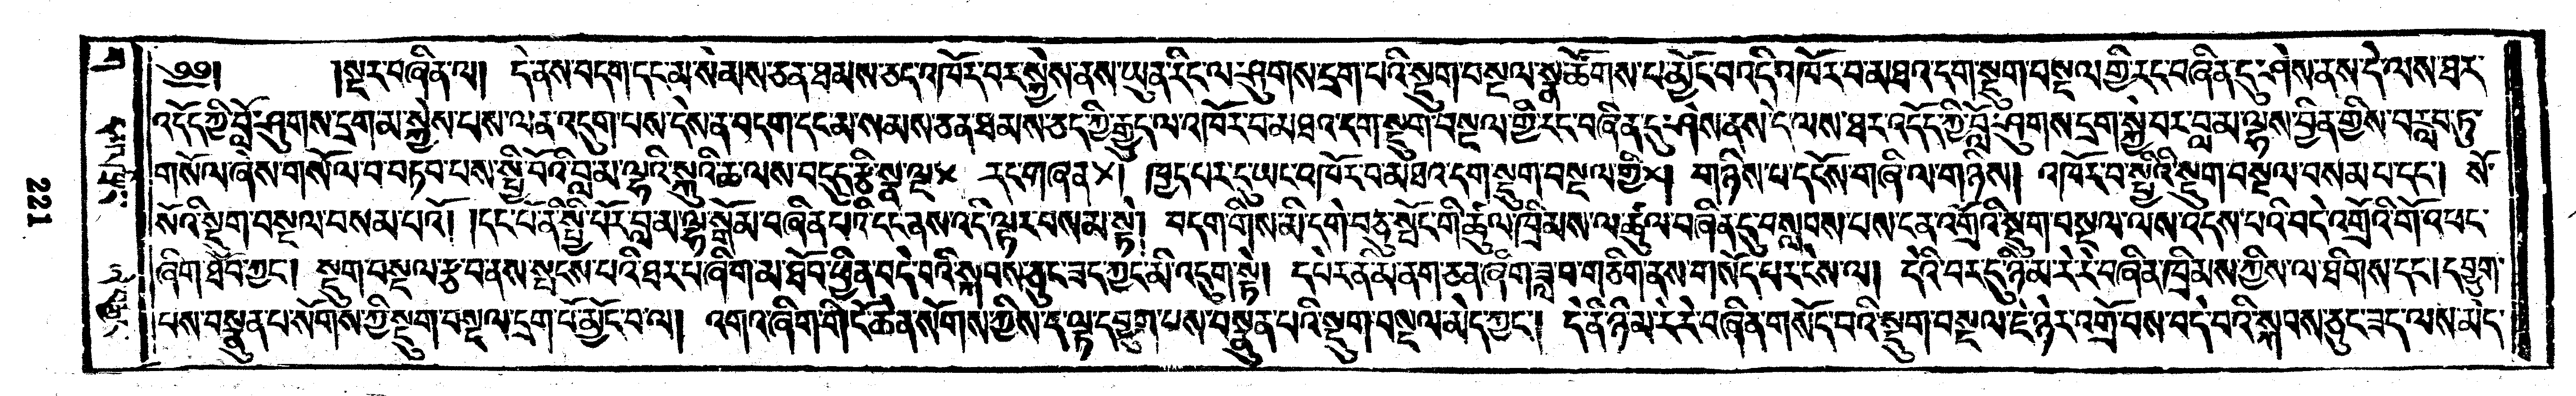༄༅། །སྔར་བཞིན་ལ། དེ་ནས་བདག་དང་མ་སེམས་ཅན་ཐམས་ཅད་འཁོར་བར་སྐྱེས་ནས་ཡུན་རིང་ལ་ཤུགས་དྲག་པའི་སྡུག་བསྔལ་སྣ་ཚོགས་པ་མྱོང་བ་འདི་འཁོར་བ་མཐའ་དག་སྡུག་བསྔལ་གྱི་རང་བཞིན་དུ་ཤེས་ནས་དེ་ལས་ཐར་
འདོད་ཀྱི་བློ་ཤུགས་དྲག་མ་སྐྱེས་པས་ལན་འདུག་པས་དེས་ན་བདག་དང་མ་སེམས་ཅན་ཐམས་ཅད་ཀྱི་རྒྱུད་ལ་འཁོར་བ་མཐའ་དག་སྡུག་བསྔལ་གྱི་རང་བཞིན་དུ་ཤེས་ནས་དེ་ལས་ཐར་འདོད་ཀྱི་བློ་ཤུགས་དྲག་སྐྱེ་བར་བླ་མ་ལྷས་བྱིན་གྱིས་བརླབ་ཏུ་
གསོལ་ཞེས་གསོལ་བ་བཏབ་པས་སྤྱི་བོའི་བླ་མ་ལྷའི་སྐུའི་ཆ་ལས་བདུད་རྩི་སྣ་ལྔ་྾་རང་གཞན་྾། ཁྱད་པར་དུ་ཡང་འཁོར་བ་མཐའ་དག་སྡུག་བསྔལ་གྱི་྾། གཉིས་པ་དངོས་གཞི་ལ་གཉིས། འཁོར་བ་སྤྱིའི་སྡུག་བསྔལ་བསམ་པ་དང་། སོ་
སོའི་སྡུག་བསྔལ་བསམ་པའོ། །དང་པོ་ནི་སྤྱི་པོར་བླ་མ་ལྷ་སྒོམ་བཞིན་པའི་དང་ནས་འདི་ལྟར་བསམ་སྟེ། བདག་གིས་མི་དགེ་བཅུ་སྤོང་གི་ཚུལ་ཁྲིམས་ལ་ཚུལ་བཞིན་དུ་བསླབས་པས་ངན་འགྲོའི་སྡུག་བསྔལ་ལས་འདས་པའི་བདེ་འགྲོའི་གོ་འཕང་
ཞིག་ཐོབ་ཀྱང་། སྡུག་བསྔལ་རྩ་བ་ནས་སྤངས་པའི་ཐར་པ་ཞིག་མ་ཐོབ་ཕྱིན་བདེ་བའི་སྐབས་ཅུང་ཟད་ཀྱང་མི་འདུག་སྟེ། དཔེར་ན་མི་ནག་ཅན་ཞིག་ཟླ་བ་གཅིག་ནས་གསོད་པར་ངེས་ལ། དེའི་བར་དུ་ཉི་མ་རེ་རེ་བཞིན་ཁྲིམས་ཀྱིས་ལ་ཐིགས་དང་། དབྱུག་
པས་བསྣུན་པ་སོགས་ཀྱི་སྡུག་བསྔལ་དྲག་པོ་མྱོང་བ་ལ། འགའ་ཞིག་གི་ངོ་ཆེན་སོགས་ཀྱིས་ད་ལྟ་དབྱུག་པས་བསྣུན་པའི་སྡུག་བསྔལ་མེད་ཀྱང་། དེ་ནི་ཉི་མ་རེ་རེ་བཞིན་གསོད་པའི་སྡུག་བསྔལ་ཇེ་ཉེར་འགྲོ་བས་བདེ་བའི་སྐབས་ཅུང་ཟད་ལས་མེད་